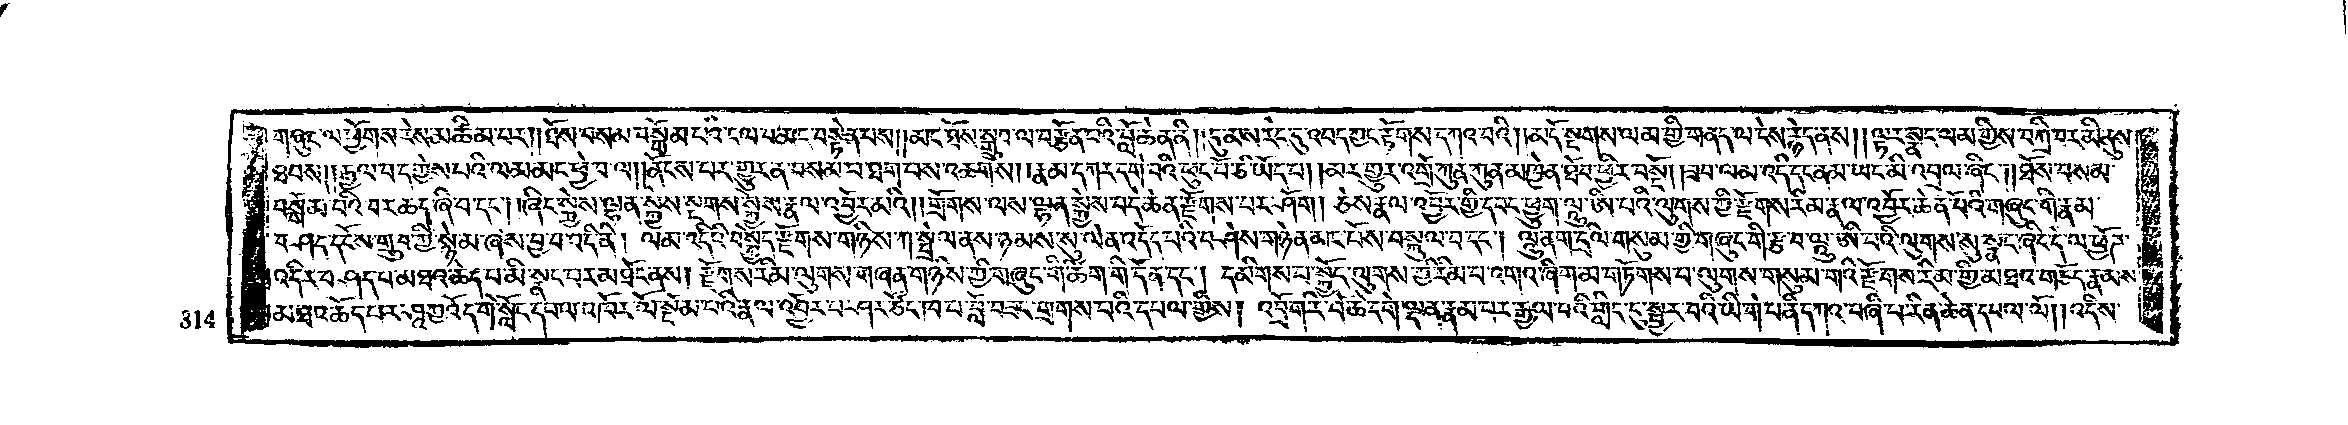གཞུང་ལ་ཕྱོགས་རེས་མ་ཚིམ་པར། །ཐོས་བསམ་བསྒོམ་པའི་ངལ་བ་མང་བསྟེན་པས། །མང་ཐོས་སྒྲུབ་ལ་བརྩོན་པའི་བློ་ཆེན་ནི། །དུ་མས་རིང་དུ་འབད་ཀྱང་རྟོགས་དཀའ་བའི། །མདོ་སྔགས་ལམ་གྱི་གནད་ལ་ངེས་རྙེད་ནས། །ལྟར་སྣང་ལམ་གྱིས་བཀྲི་བར་མི་ནུས་
ཐབས། །རྒྱལ་བ་དགྱེས་པའི་ལམ་མང་ཕྱེ་བ་ལ། །ནོངས་པར་གྱུར་ན་བསམ་པ་ཐག་པས་འཆགས། །རྣམ་དཀར་དགེ་བའི་ཕུང་པོ་ཅི་ཡོད་པ། །མར་གྱུར་འགྲོ་ཀུན་ཀུན་མཁྱེན་ཐོབ་ཕྱིར་བསྔོ། །ཟབ་ལམ་འདི་དང་ནམ་ཡང་མི་འབྲལ་ཞིང་། །ཐོས་བསམ་
བསྒོམ་པའི་བར་ཆད་ཞི་བ་དང་། །ཞིང་སྐྱེས་ལྷན་སྐྱེས་སྔགས་སྐྱེས་རྣལ་འབྱོར་མའི། །གྲོགས་ལས་ལྷན་སྐྱེས་བདེ་ཆེན་རྫོགས་པར་ཤོག །ཅེས་རྣལ་འབྱོར་གྱི་དབང་ཕྱུག་ལཱུ་ཨི་པའི་ལུགས་ཀྱི་རྫོགས་རིམ་རྣལ་འབྱོར་ཆེན་པོའི་གཞུང་གི་རྣམ་
བཤད་དངོས་གྲུབ་ཀྱི་སྙེ་མ་ཞེས་བྱ་བ་འདི་ནི། ལམ་འདིའི་བསྐྱེད་རྫོགས་གཉིས་ཀ་སྦྲེལ་ནས་ཉམས་སུ་ལེན་འདོད་པའི་བཤེས་གཉེན་མང་པོས་བསྐུལ་བ་དང་། ལཱུ་ནག་དྲིལ་གསུམ་གྱི་གཞུང་གི་རྩ་བ་ལཱུ་ཨི་པའི་ལུགས་སུ་སྣང་ཞིང་དེ་ལ་ཕྱོགས་
འདིར་བཤད་པ་མཐའ་ཆོད་པ་མི་སྣང་བར་མཐོང་ནས། རྫོགས་རིམ་ལུགས་གཞན་གཉིས་ཀྱི་གཞུང་གི་ཚིག་གི་དོན་དང་། དམིགས་པ་སྐྱོད་ལུགས་ཀྱི་རིམ་པ་འགའ་ཞིག་མ་གཏོགས་པ་ལུགས་གསུམ་གའི་རྫོགས་རིམ་གྱི་མཐའ་གཅོད་རྣམས་
མཐའ་ཆོད་པར་ཤཱཀྱའི་དགེ་སློང་དཔལ་འཁོར་ལོ་སྡོམ་པའི་རྣལ་འབྱོར་པ་ཤར་ཙོང་ཁ་པ་བློ་བཟང་གྲགས་པའི་དཔལ་གྱིས། འབྲོག་རི་བོ་ཆེ་དགེ་ལྡན་རྣམ་པར་རྒྱལ་བའི་གླིང་དུ་སྦྱར་བའི་ཡི་གེ་བ་ནི་དཀའ་བཞི་པ་རིན་ཆེན་དཔལ་ལོ། །འདིས་